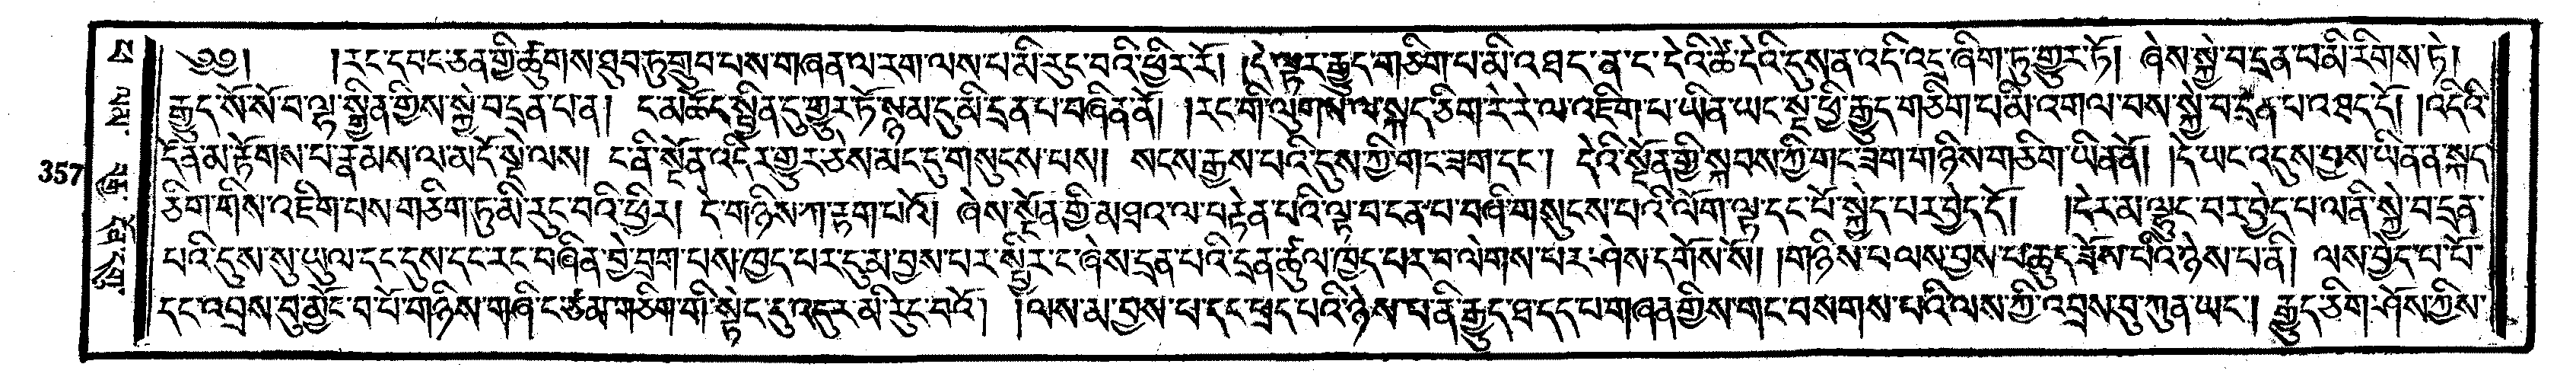༄༅། །རང་དབང་ཅན་གྱི་ཚུགས་ཐུབ་ཏུ་གྲུབ་པས་གཞན་ལ་རག་ལས་པ་མི་རུང་བའི་ཕྱིར་རོ། །དེ་ལྟར་རྒྱུད་གཅིག་པ་མི་འཐད་ན་ང་དེའི་ཚེ་དེའི་དུས་ན་འདི་འདྲ་ཞིག་ཏུ་གྱུར་ཏོ། ཞེས་སྐྱེ་བ་དྲན་བ་མི་རིགས་ཏེ།
རྒྱུད་སོ་སོ་བ་ལྷ་སྒྱིན་གྱིས་སྐྱེ་བ་དྲན་པ་ན། ང་མཆོད་སྦྱིན་དུ་གྱུར་ཏོ་སྙམ་དུ་མི་དྲན་པ་བཞིན་ནོ། །རང་གི་ལུགས་ལ་སྐད་ཅིག་རེ་རེ་ལ་འཇིག་པ་ཡིན་ཡང་སྔ་ཕྱི་རྒྱུད་གཅིག་པ་མི་འགལ་བས་སྐྱེ་བ་དྲན་པ་འཐད་དོ། །འདིའི་
དོན་མ་རྟོགས་པ་རྣམས་ལ་མདོ་སྡེ་ལས། ང་ནི་སྔོན་འདིར་གྱུར་ཅེས་མང་དུ་གསུངས་པས། སངས་རྒྱས་པའི་དུས་ཀྱི་གང་ཟག་དང་། དེའི་སྔོན་གྱི་སྐབས་ཀྱི་གང་ཟག་གཉིས་གཅིག་ཡིན་ནོ། །དེ་ཡང་འདུས་བྱས་ཡིན་ན་སྐད་
ཅིག་གིས་འཇིག་པས་གཅིག་ཏུ་མི་རུང་བའི་ཕྱིར། དེ་གཉིས་ཀ་རྟག་པའོ། ཞེས་སྔོན་གྱི་མཐའ་ལ་བརྟེན་པའི་ལྟ་བ་ངན་པ་བཞི་གསུངས་པའི་ལོག་ལྟ་དང་པོ་སྐྱེད་པར་བྱེད་དོ། །དེར་མ་ལྷུང་བར་བྱེད་པ་ལ་ནི་སྐྱེ་བ་དྲན་
པའི་དུས་སུ་ཡུལ་དང་དུས་དང་རང་བཞིན་བྱེ་བྲག་པས་ཁྱད་པར་དུ་མ་བྱས་པར་སྦྱིར་ང་ཞེས་དྲན་པའི་དྲན་ཚུལ་ཁྱད་པར་བ་ལེགས་པར་ཤེས་དགོས་སོ། །གཉིས་བ་ལས་བྱས་པ་ཆུད་ཟོས་པའི་ཉེས་པ་ནི། ལས་བྱེད་པ་པོ་
དང་འབྲས་བུ་མྱོང་བ་པོ་གཉིས་གཞི་ང་ཙམ་གཅིག་གི་སྟེང་དུ་འདུར་མི་རུང་བའོ། །ལས་མ་བྱས་པ་དང་ཕྲད་པའི་ཉེས་པ་ནི་རྒྱུད་ཐ་དད་པ་གཞན་གྱིས་གང་བསགས་པའི་ལས་ཀྱི་འབྲས་བུ་ཀུན་ཡང་། རྒྱུད་ཅིག་ཤོས་ཀྱིས་